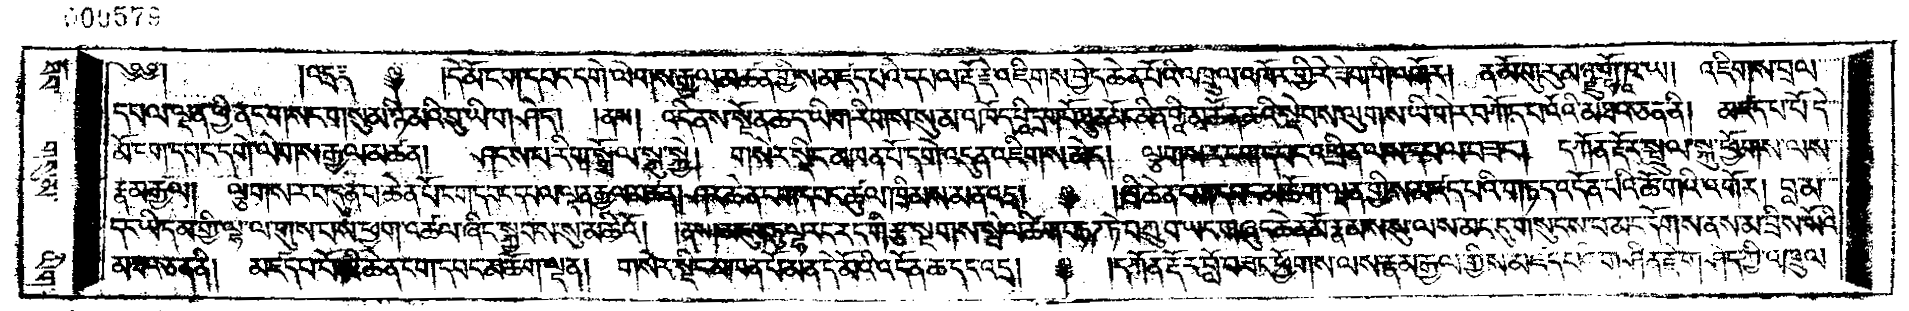༄༅། །འདྲ༑ ༈ །དེ་མོ་ངག་དབང་དགེ་ལེགས་རྒྱ་མཚན་གྱིས་མཛད་པའི་དཔལ་རྡོ་རྗེ་འཇིགས་བྱེད་ཆེན་པོའི་འཁྲུལ་འཁོར་གྱི་རེ་ཟེར་གི་འགོར། ན་མོ་གུ་རུ་མཉྫུ་གྷོ་ཥཱ་ཡ། འཇིགས་བྲལ་
དཔལ་ལྡན་ཕྱི་ནང་གསང་གསུམ་ཉི་མའི་བུ་ཡི་གཤེད། །ནས།  འདི་ནས་སྔོན་ཆད་ཡིག་རིགས་སུམ་འཁོད་པའི་དྲག་པོ་ཐུན་མོང་མིན་བའི་མཚོན་ཆའི་སྡེབས་ལུགས་ཡི་གེར་བཀོད་པའོའི་མཐའ་ཅན་ནི། མཛད་པ་པོ་དེ་
མོ་ངག་དབང་དགེ་ལེགས་རྒྱལ་མཚན། ཤངས་པ་རིག་སྒྲོལ་སྐུ་སྐྱེས། གསེར་སྡིང་མཁན་པོ་དགེ་འདུན་འཇིགས་མེད། ལྕགས་ར་ངག་དབང་འཕྲིན་ལས་དཔལ་བཟང་། དཀོན་རྡོར་སྤྲུལ་སྐུ་ཕྱོགས་ལས་
རྣམ་རྒྱལ། ལྕགས་ར་བདུན་པ་ཆེན་པོ་ངག་དབང་དཔལ་ལྡན་རྒྱ་མཚན། ཤར་ཆེན་ངག་དབང་ཚུལ་ཁྲིམས་མན་འདྲ། ༈ །ཁྲི་ཆེན་ངག་དབང་མཆོག་ལྡན་གྱིས་མཛད་པའི་གཏད་འདོན་པའི་ཆོ་གའི་འགོར། བླ་མ་
དང་ཡི་དམ་གྱི་ལྷ་ལ་གུས་པས་ཕྱག་འཚལ་ཞིང་སྐྱབས་སུ་མཆིའོ། །ནས། མཇུག་ཏུ་ལྷ་རང་རང་གི་རྩ་སྔགས་སྤེལ་ཚིག་བཏཌ་ཏེ་བཀྲུ་བ་ཡང་གཞུང་ཆེན་མོ་རྣམས་སུ་ལས་མང་དུ་གསུངས་པ་མང་དོགས་ནས་མ་བྲིས་སོའི་
མཐའ་ཅན་ནི། མཛད་པ་པོ་ཁྲི་ཆེན་ངག་དབང་མཆོག་ལྡན། གསེར་སྡིང་མཁན་པོ་མན་དེ་མོའི་འདོན་ཆ་དང་འདྲ། ༈ །དཀོན་རྡོར་བློ་བཟང་ཕྱོགས་ལས་རྣམ་རྒྱལ་གྱིས་མཛད་པའི་གཤིན་རྗེ་གཤེད་ཀྱི་འཁྲུལ་